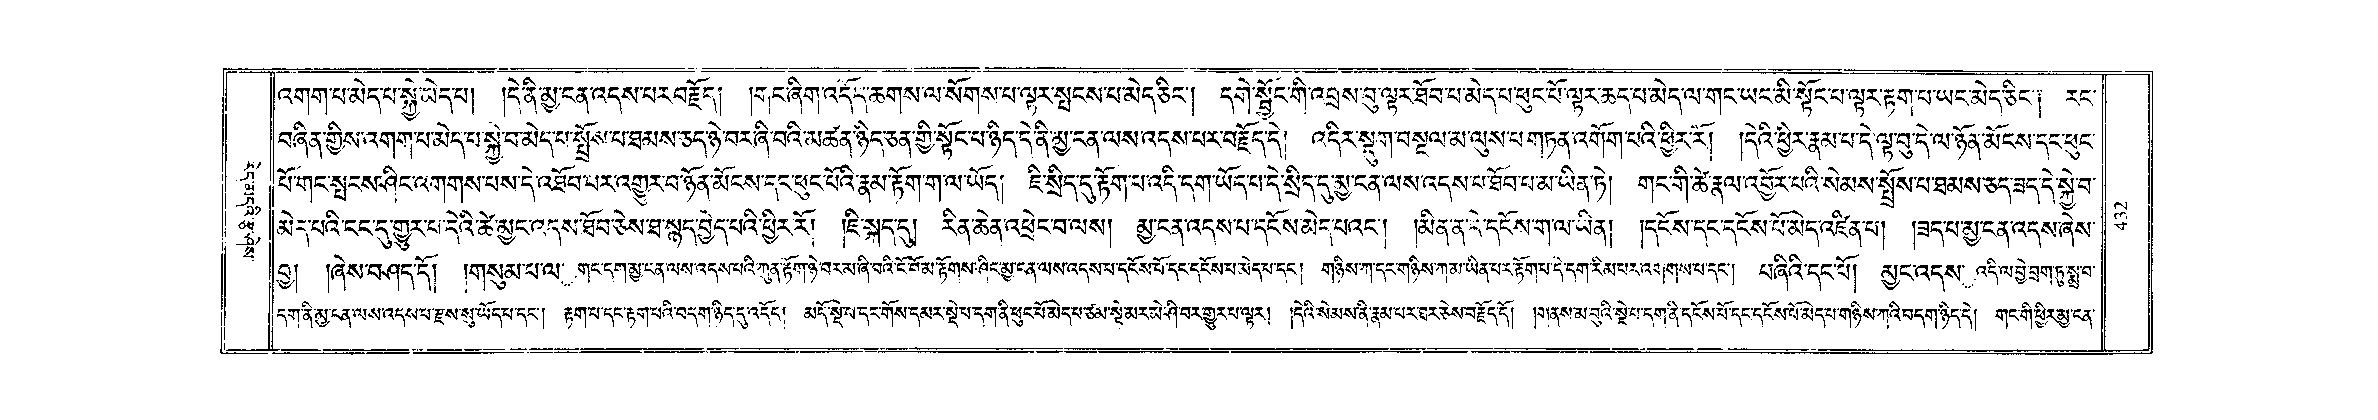འགག་པ་མེད་པ་སྐྱེ་མེད་པ། །དེ་ནི་མྱ་ངན་འདས་པར་བརྗོད། །གང་ཞིག་འདོད་ཆགས་ལ་སོགས་པ་ལྟར་སྤངས་པ་མེད་ཅིང་། དགེ་སྦྱོང་གི་འབྲས་བུ་ལྟར་ཐོབ་པ་མེད་པ་ཕུང་པོ་ལྟར་ཆད་པ་མེད་ལ་གང་ཡང་མི་སྟོང་པ་ལྟར་རྟག་པ་ཡང་མེད་ཅིང་། རང་
བཞིན་གྱིས་འགག་པ་མེད་པ་སྐྱེ་བ་མེད་པ་སྤྲོས་པ་ཐམས་ཅད་ཉེ་བར་ཞི་བའི་མཚན་ཉིད་ཅན་གྱི་སྟོང་པ་ཉིད་དེ་ནི་མྱ་ངན་ལས་འདས་པར་བརྗོད་དེ། འདིར་སྡུག་བསྔལ་མ་ལུས་པ་གཏན་འགོག་པའི་ཕྱིར་རོ། །དེའི་ཕྱིར་རྣམ་པ་དེ་ལྟ་བུ་དེ་ལ་ཉོན་མོངས་དང་ཕུང་
པོ་གང་སྤངས་ཤིང་འགགས་པས་དེ་འཐོབ་པར་འགྱུར་བ་ཉོན་མོངས་དང་ཕུང་པོའི་རྣམ་རྟོག་ག་ལ་ཡོད། ཇི་སྲིད་དུ་རྟོག་པ་འདི་དག་ཡོད་པ་དེ་སྲིད་དུ་མྱ་ངན་ལས་འདས་པ་ཐོབ་པ་མ་ཡིན་ཏེ། གང་གི་ཚེ་རྣལ་འབྱོར་པའི་སེམས་སྤྲོས་པ་ཐམས་ཅད་ཟད་དེ་སྐྱེ་བ་
མེད་པའི་ངང་དུ་གྱུར་པ་དེའི་ཚེ་མྱང་འདས་ཐོབ་ཅེས་ཐ་སྙད་བྱེད་པའི་ཕྱིར་རོ། །ཇི་སྐད་དུ། རིན་ཆེན་འཕྲེང་བ་ལས། མྱ་ངན་འདས་པ་དངོས་མེད་པའང་། །མིན་ན་དེ་དངོས་ག་ལ་ཡིན། །དངོས་དང་དངོས་པོ་མེད་འཛིན་པ། །ཟད་པ་མྱ་ངན་འདས་ཞེས་
བྱ། །ཞེས་བཤད་དོ། །གསུམ་པ་ལ་གང་དག་མྱ་ངན་ལས་འདས་པའི་ཀུན་རྟོག་ཉེ་བར་མ་ཞི་བའི་ངོ་བོ་མ་རྟོགས་ཤིང་མྱ་ངན་ལས་འདས་པ་དངོས་པོ་དང་དངོས་པོ་མེད་པ་དང་། གཉིས་ཀ་དང་གཉིས་ཀ་མ་ཡིན་པར་རྟོག་པ་དེ་དག་རིམ་པར་འགགས་པ་དང་།  བཞིའི་དང་པོ། མྱང་འདས་འདི་ལ་བྱེ་བྲག་ཏུ་སྨྲ་བ་
དག་ནི་མྱ་ངན་ལས་འདས་པ་རྫས་སུ་ཡོད་པ་དང་། རྟག་པ་དང་རྟག་པའི་བདག་ཉིད་དུ་འདོད། མདོ་སྡེ་པ་དང་གོས་དམར་སྡེ་པ་དག་ནི་ཕུང་པོ་མེད་པ་ཙམ་སྟེ་མར་མེ་ཤི་བར་གྱུར་པ་ལྟར། །དེའི་སེམས་ནི་རྣམ་པར་ཐར་ཅེས་བརྗོད་དོ། །གནས་མ་བུའི་སྡེ་བ་དག་ནི་དངོས་པོ་དང་དངོས་པོ་མེད་པ་གཉིས་ཀའི་བདག་ཉིད་དེ། གང་གི་ཕྱིར་མྱ་ངན་